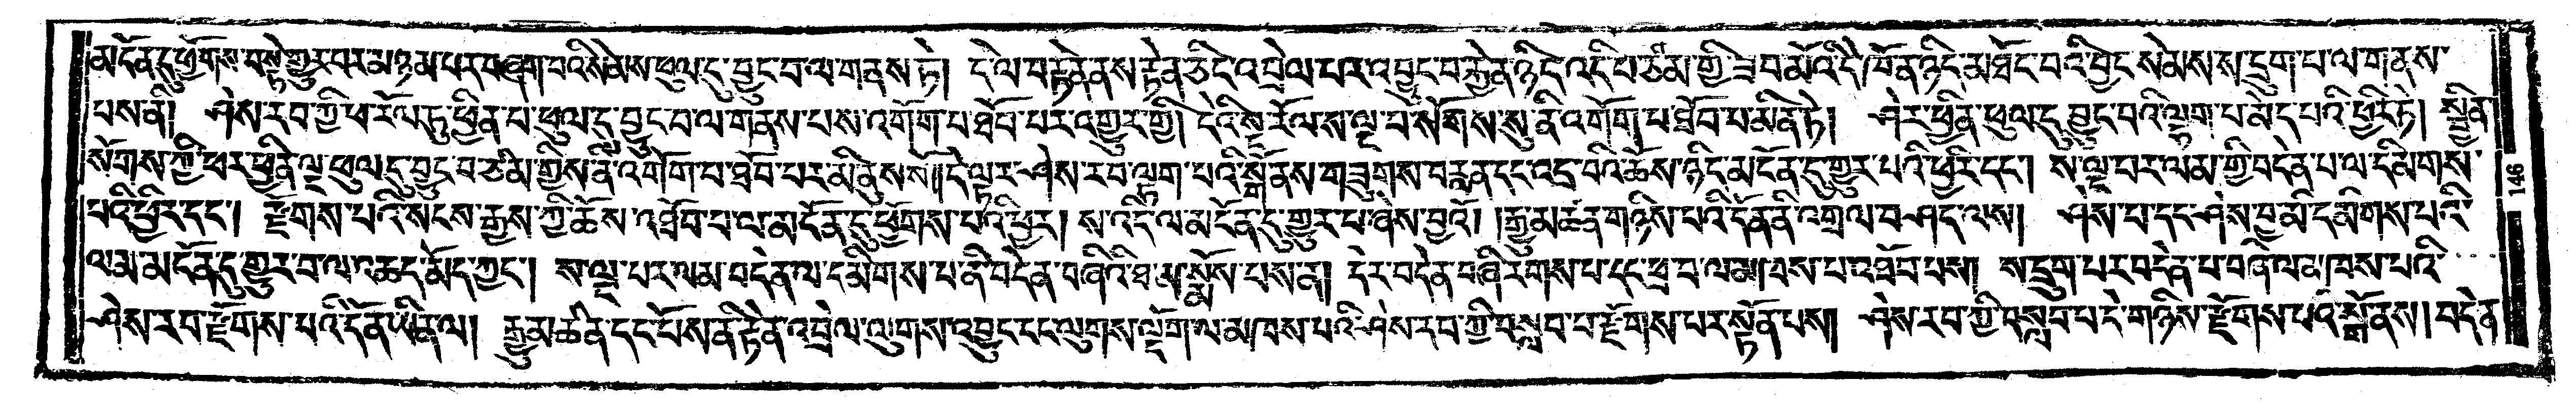མངོན་དུ་ཕྱོགས་པ་སྟེ་གྱུར་པར་མཉམ་པར་བཞག་པའི་སེམས་ཕུལ་དུ་བྱུང་བ་ལ་གནས་ཏེ། དེ་ལ་བརྟེན་ནས་རྟེན་ཅིང་འབྲེལ་པར་འབྱུང་བ་རྐྱེན་ཉིད་འདི་པ་ཙམ་གྱི་ཟབ་མོའི་དེ་ཁོ་ན་ཉིད་མཐོང་བའི་བྱང་སེམས་ས་དྲུག་པ་ལ་གནས་
པས་ནི། ཤེས་རབ་ཀྱི་ཕ་རོལ་ཏུ་ཕྱིན་པ་ཕུལ་དུ་བྱུང་བ་ལ་གནས་པས་འགོག་པ་ཐོབ་པར་འགྱུར་གྱི། དེའི་སྔ་རོལ་ས་ལྔ་པ་སོགས་སུ་ནི་འགོག་པ་ཐོབ་པ་མིན་ཏེ། ཤེར་ཕྱིན་ཕུལ་དུ་བྱུང་བའི་ལྷག་པ་མེད་པའི་ཕྱིར་ཏེ། སྦྱིན་
སོགས་ཀྱི་ཕར་ཕྱིན་ལྔ་ཕུལ་དུ་བྱུང་བ་ཙམ་གྱིས་ནི་འགོག་པ་ཐོབ་པར་མི་ནུས་སོ། །དེ་ལྟར་ཤེས་རབ་ལྷག་པའི་སྒོ་ནས་གཟུགས་བརྙན་དང་འདྲ་བའི་ཆོས་ཉིད་མངོན་དུ་གྱུར་པའི་ཕྱིར་དང་། ས་ལྔ་པར་ལམ་གྱི་བདེན་པ་ལ་དམིགས་
པའི་ཕྱིར་དང་། རྫོགས་པའི་སངས་རྒྱས་ཀྱི་ཆོས་འཐོབ་པ་ལ་མངོན་དུ་ཕྱོགས་པའི་ཕྱིར། ས་འདི་ལ་མངོན་དུ་གྱུར་བ་ཞེས་བྱའོ། །རྒྱུ་མཚན་གཉིས་པའི་དོན་ནི་འགྲེལ་བཤད་ལས། ཤེས་པ་དང་ཤེས་བྱ་མི་དམིགས་པའི་
ལམ་མངོན་དུ་གྱུར་པ་ལ་འཆད་མོད་ཀྱང་། ས་ལྔ་པར་ལམ་བདེན་ལ་དམིགས་པ་ནི་བདེན་བཞིའི་ཐ་མ་སྨོས་པས་ན། དེར་བདེན་བཞི་རགས་པ་དང་ཕྲ་བ་ལ་མཁས་པ་འཐོབ་པས། ས་དྲུག་པར་བདེན་པ་བཞི་ལ་མཁས་པའི་
ཤེས་རབ་རྫོགས་པའི་དོན་ཡིན་ལ། རྒྱུ་མཚན་དང་པོས་ནི་རྟེན་འབྲེལ་ལུགས་འབྱུང་དང་ལུགས་ལྡོག་ལ་མཁས་པའི་ཤེས་རབ་ཀྱི་བསླབ་པ་རྫོགས་པར་སྟོན་པས། ཤེས་རབ་ཀྱི་བསླབ་པ་དེ་གཉིས་རྫོགས་པའི་སྒོ་ནས། བདེན་